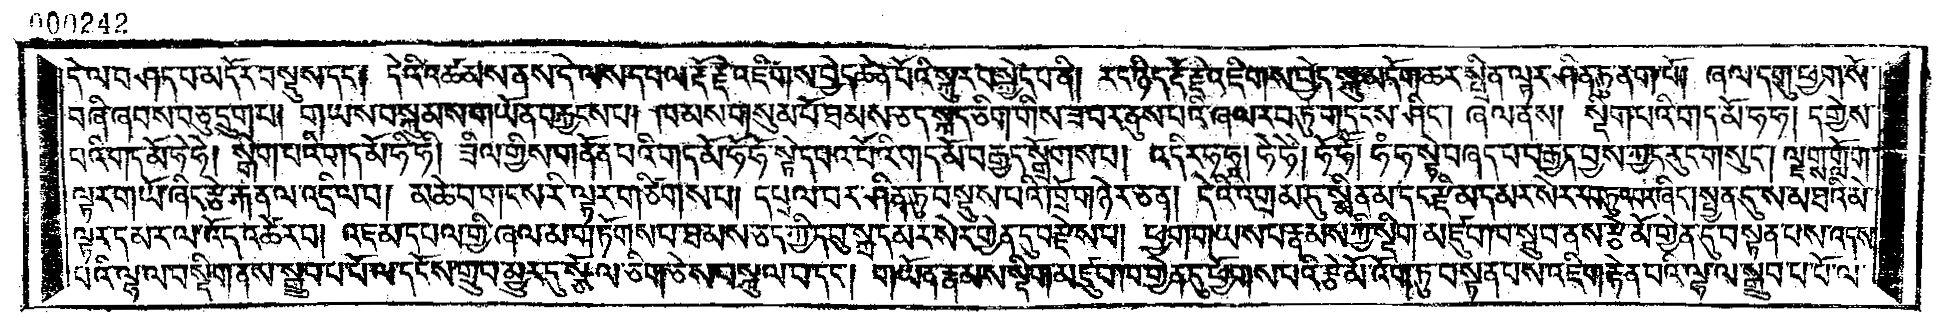དེ་ལ་བཤད་པ་མདོར་བསྡུས་དང་། དེའི་འཚམས་ནས་དེ་ལས་དཔལ་རྡོ་རྗེ་འཇིགས་བྱེད་ཆེན་པོའི་སྐུར་བསྐྱེད་པ་ནི། རང་ཉིད་རྡོ་རྗེ་འཇིགས་བྱེད་སྐུ་མདོག་ཆར་སྤྲིན་ལྟར་ཤིན་ཏུ་ནག་པོ། ཞལ་དགུ་ཕྱག་སོ་
བཞི་ཞབས་བཅུ་དྲུག་པ། གཡས་བསྐུམས་གཡོན་བརྐྱངས་པ། ཁམས་གསུམ་པོ་ཐམས་ཅད་སྐད་ཅིག་གིས་ཟ་བར་ནུས་པའི་ཞལ་རབ་ཏུ་གདངས་ཤིང་། ཞལ་ནས། སྡིག་པའི་གད་མོ་ཧ་ཧ། དགྱེས་
པའི་གད་མོ་ཧེ་ཧེ། སྒེག་པའི་གད་མོ་ཧི་ཧི། ཟིལ་གྱིས་གནོན་པའི་གད་མོ་ཧོ་ཧོ་སྟེ་དཔའ་བོའི་གད་མོ་བརྒྱད་སྒྲོགས་པ། འདིར་ཧ་ཧཱ། ཧེ་ཧཻ། ཧོ་ཧཽ། ཧཾ་ཧ་སྟེ་བཞད་པ་བརྒྱད་བྱས་ཀྱང་རུང་གསུང་། ལྗགས་གློག་
ལྟར་གཡོ་ཞིང་རྩེ་རྐན་ལ་འདྲིལ་བ། མཆེ་བ་གངས་རི་ལྟར་གཙིགས་པ། དཔྲལ་བར་ཤིན་ཏུ་བསྡུས་པའི་ཁྲོ་གཉེར་ཅན། དེའི་འགྲམ་དུ་སྨིན་མ་དང་རྫི་མ་དམར་སེར་རབ་ཏུ་འབར་ཞིང་། སྤྱན་དུ་ས་མཐའི་མེ་
ལྟར་དམར་ལ་འོད་འཚེར་བ། འཇམ་དཔལ་གྱི་ཞལ་མ་གཏོགས་པ་ཐམས་ཅད་ཀྱི་དབུ་སྐྲ་དམར་སེར་གྱེན་དུ་བརྫེས་པ། ཕྱག་གཡས་པ་རྣམས་ཀྱི་སྡིག་མཛུབ་ཁ་སྦུབ་ནས་རྩེ་མོ་གྱེན་དུ་བསྟན་པས་འདས་
པའི་ལྷ་ལ་བསྡིག་ནས་སྒྲུབ་པ་པོ་ལ་དངོས་གྲུབ་མྱུར་དུ་སྩོལ་ཅིག་ཅེས་བསྐུལ་བ་དང་། གཡོན་རྣམས་སྡིག་མཛུབ་ཁ་གྱེན་དུ་ཕྱོགས་པའི་རྩེ་མོ་འོག་ཏུ་བསྟན་པས་འཇིག་རྟེན་པའི་ལྷ་ལ་སྒྲུབ་པ་པོ་ལ་